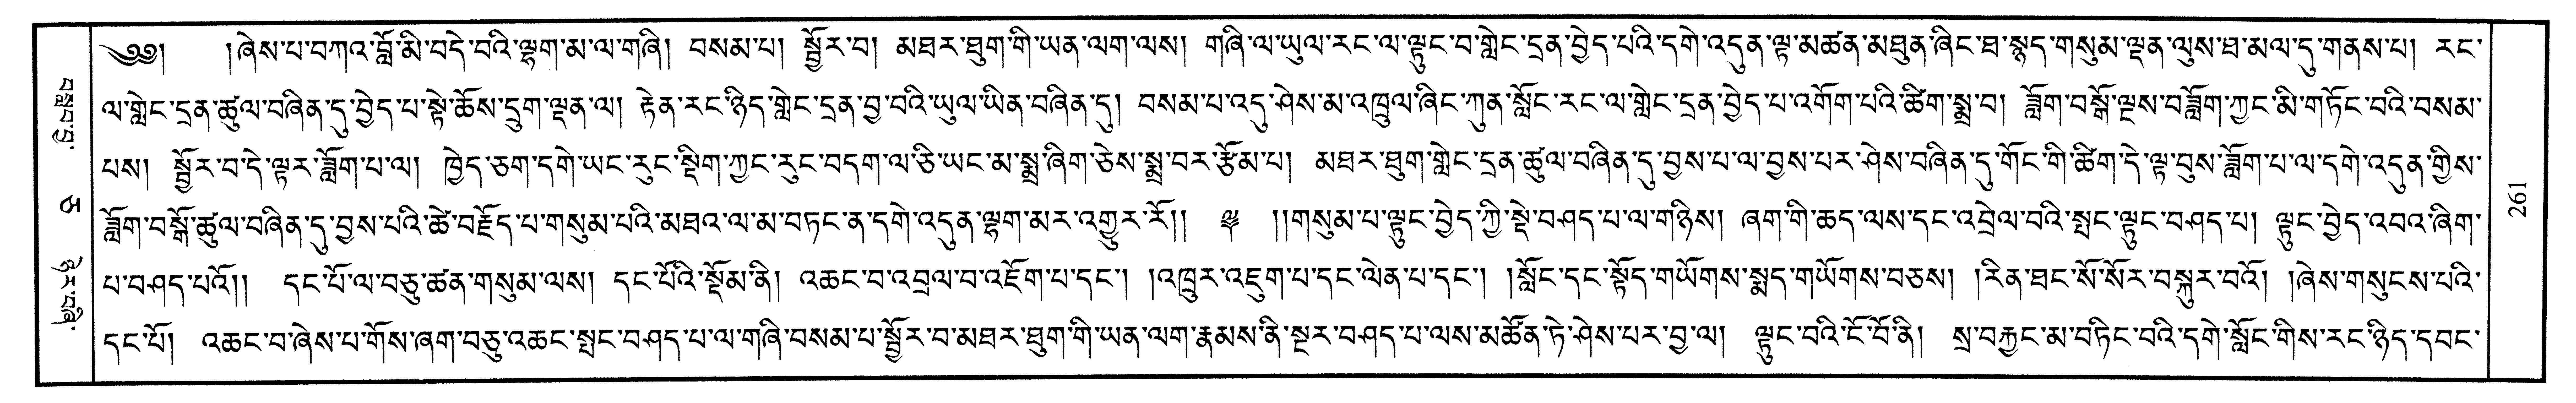༄༅། །ཞེས་པ་བཀའ་བློ་མི་བདེ་བའི་ལྷག་མ་ལ་གཞི། བསམ་པ། སྦྱོར་བ། མཐར་ཐུག་གི་ཡན་ལག་ལས། གཞི་ལ་ཡུལ་རང་ལ་ལྟུང་བ་གླེང་དྲན་བྱེད་པའི་དགེ་འདུན་ལྟ་མཚན་མཐུན་ཞིང་ཐ་སྙད་གསུམ་ལྡན་ལུས་ཐ་མལ་དུ་གནས་པ། རང་
ལ་གླེང་དྲན་ཚུལ་བཞིན་དུ་བྱེད་པ་སྟེ་ཆོས་དྲུག་ལྡན་ལ། རྟེན་རང་ཉིད་གླེང་དྲན་བྱ་བའི་ཡུལ་ཡིན་བཞིན་དུ། བསམ་པ་འདུ་ཤེས་མ་འཁྲུལ་ཞིང་ཀུན་སློང་རང་ལ་གླེང་དྲན་བྱེད་པ་འགོག་པའི་ཚིག་སྨྲ་བ། ཟློག་བསྒོ་ལྔས་བཟློག་ཀྱང་མི་གཏོང་བའི་བསམ་
པས། སྦྱོར་བ་དེ་ལྟར་ཟློག་པ་ལ། ཁྱེད་ཅག་དགེ་ཡང་རུང་སྡིག་ཀྱང་རུང་བདག་ལ་ཅི་ཡང་མ་སྨྲ་ཞིག་ཅེས་སྨྲ་བ་རྩོམ་པ། མཐར་ཐུག་གླེང་དྲན་ཚུལ་བཞིན་དུ་བྱས་པ་ལ་བྱས་པར་ཤེས་བཞིན་དུ་གོང་གི་ཚིག་དེ་ལྟ་བུས་ཟློག་པ་ལ་དགེ་འདུན་གྱིས་
ཟློག་བསྒོ་ཚུལ་བཞིན་དུ་བྱས་པའི་ཚེ་བརྗོད་པ་གསུམ་པའི་མཐའ་ལ་མ་བཏང་ན་དགེ་འདུན་ལྷག་མར་འགྱུར་རོ།། ༈ །།གསུམ་པ་ལྟུང་བྱེད་ཀྱི་སྡེ་བཤད་པ་ལ་གཉིས། ཞག་གི་ཆད་ལས་དང་འབྲེལ་བའི་སྤང་ལྟུང་བཤད་པ། ལྟུང་བྱེད་འབའ་ཞིག་
པ་བཤད་པའོ།། དང་པོ་ལ་བཅུ་ཚན་གསུམ་ལས། དང་པོའི་སྡོམ་ནི། འཆང་བ་འབྲལ་བ་འཇོག་པ་དང་། །འཁྲུར་འཇུག་པ་དང་ལེན་པ་དང་། །སློང་དང་སྟོད་གཡོགས་སྨད་གཡོགས་བཅས། །རིན་ཐང་སོ་སོར་བསྐུར་བའོ། །ཞེས་གསུངས་པའི་
དང་པོ། འཆང་བ་ཞེས་པ་གོས་ཞག་བཅུ་འཆང་སྤང་བཤད་པ་ལ་གཞི་བསམ་པ་སྦྱོར་བ་མཐར་ཐུག་གི་ཡན་ལག་རྣམས་ནི་སྔར་བཤད་པ་ལས་མཚོན་ཏེ་ཤེས་པར་བྱ་ལ། ལྟུང་བའི་ངོ་བོ་ནི། སྲ་བརྐྱང་མ་བཏིང་བའི་དགེ་སློང་གིས་རང་ཉིད་དབང་